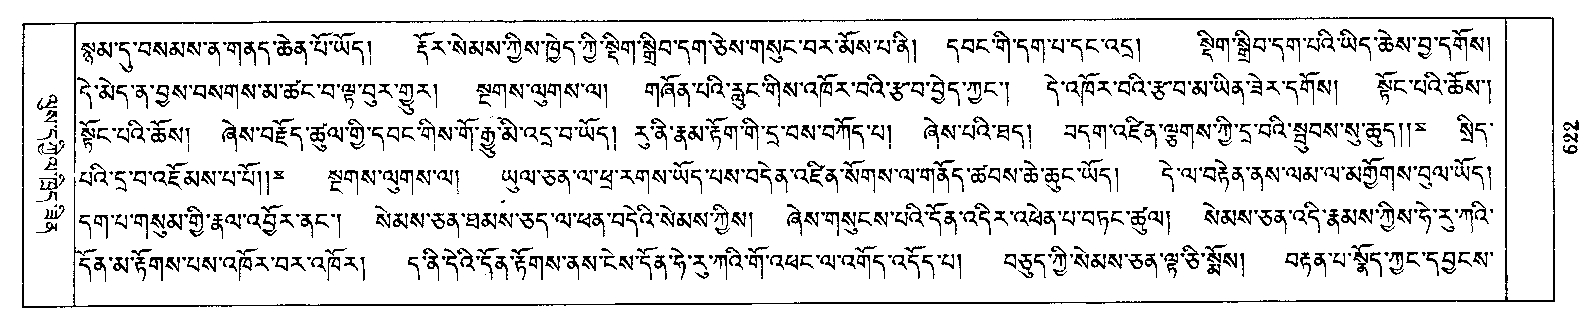སྙམ་དུ་བསམས་ན་གནད་ཆེན་པོ་ཡོད། རྡོར་སེམས་ཀྱིས་ཁྱེད་ཀྱི་སྡིག་སྒྲིབ་དག་ཅེས་གསུང་བར་མོས་པ་ནི། དབང་གི་དག་པ་དང་འདྲ། སྡིག་སྒྲིབ་དག་པའི་ཡིད་ཆེས་བྱ་དགོས།
དེ་མེད་ན་བྱས་བསགས་མ་ཚང་བ་ལྟ་བུར་གྱུར། སྔགས་ལུགས་ལ། གཞོན་པའི་རླུང་གིས་འཁོར་བའི་རྩ་བ་བྱེད་ཀྱང་། དེ་འཁོར་བའི་རྩ་བ་མ་ཡིན་ཟེར་དགོས། སྟོང་པའི་ཆོས།
སྟོང་པའི་ཆོས། ཞེས་བརྗོད་ཚུལ་གྱི་དབང་གིས་གོ་རྒྱུ་མི་འདྲ་བ་ཡོད། རུ་ནི་རྣམ་རྟོག་གི་དྲ་བས་བཀོད་པ། ཞེས་པའི་ཐད། བདག་འཛིན་ལྕགས་ཀྱི་དྲ་བའི་སྦུབས་སུ་ཆུད།། ྾་སྲིད་
པའི་དྲ་བ་འཇོམས་པ་པོ།། ྾་སྔགས་ལུགས་ལ། ཡུལ་ཅན་ལ་ཕྲ་རགས་ཡོད་པས་བདེན་འཛིན་སོགས་ལ་གནོད་ཚབས་ཆེ་ཆུང་ཡོད། དེ་ལ་བརྟེན་ནས་ལམ་ལ་མགྱོགས་བུལ་ཡོད།
དག་པ་གསུམ་གྱི་རྣལ་འབྱོར་ནང་། སེམས་ཅན་ཐམས་ཅད་ལ་ཕན་བདེའི་སེམས་ཀྱིས། ཞེས་གསུངས་པའི་དོན་འདིར་འཕེན་པ་བཏང་ཚུལ། སེམས་ཅན་འདི་རྣམས་ཀྱིས་ཧེ་རུ་ཀའི་
དོན་མ་རྟོགས་པས་འཁོར་བར་འཁོར། ད་ནི་དེའི་དོན་རྟོགས་ནས་ངེས་དོན་ཧེ་རུ་ཀའི་གོ་འཕང་ལ་འགོད་འདོད་པ། བཅུད་ཀྱི་སེམས་ཅན་ལྟ་ཅི་སྨོས། བརྟན་པ་སྣོད་ཀྱང་དབྱངས་